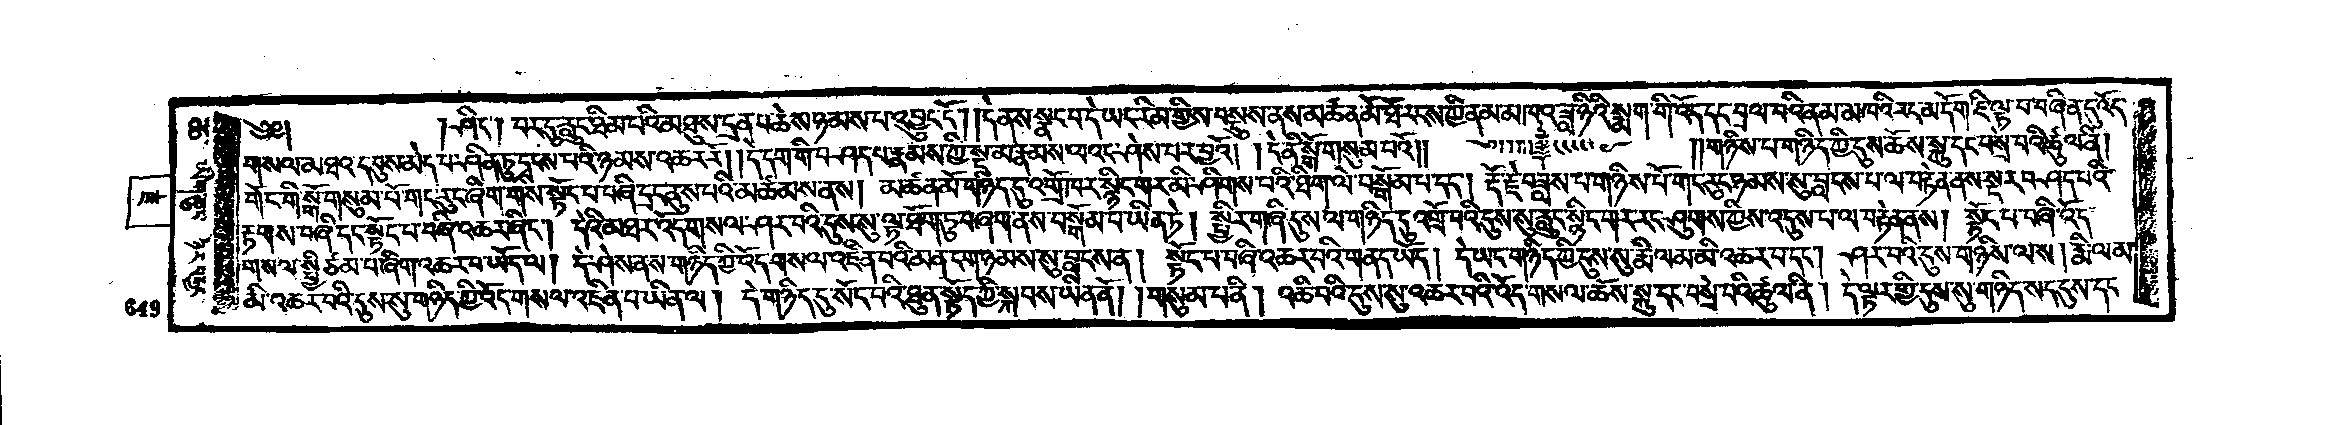༄༅། །ཤིང་། བར་དུ་རླུང་ཐིམ་པའི་མཐུས་དྲན་པ་ཆེས་ཉམས་པ་འབྱུང་ངོ། །དེ་ནས་སྣང་བ་དེ་ཡང་རིམ་གྱིས་བསྡུས་ནས་མཚན་མོ་ཐོ་རངས་ཀྱི་ནམ་མཁའ་ཟླ་ཉིའི་སྨག་གི་འོད་དང་བྲལ་བའི་ནམ་མཁའི་རང་མདོག་ཇི་ལྟ་བ་བཞིན་དུ་འོད་
གསལ་མཐའ་དབུས་མེད་པ་ཤིན་ཏུ་དྭངས་པའི་ཉམས་འཆར་རོ། །དེ་དག་གི་བཤད་པ་རྣམས་ཀྱི་སྔ་མ་རྣམས་ལའང་ཤེས་པར་བྱའོ། །དེ་ནི་སྒོ་གསུམ་པའོ།། ༈ །།གཉིས་པ་གཉིད་ཀྱི་དུས་ཆོས་སྐུ་དང་བསྲེ་བའི་ཚུལ་ནི།
གོང་གི་སྒོ་གསུམ་པོ་གང་རུང་ཞིག་གིས་སྟོང་པ་བཞི་དྲང་ནུས་པའི་མཚམས་ནས། མཚན་མོ་གཉིད་དུ་འགྲོ་ཁར་སྙིང་གར་མི་ཤིགས་པའི་ཐིག་ལེ་བསྒོམ་པ་དང་། རྡོ་རྗེ་བཟླས་པ་གཉིས་པོ་གང་རུང་ཉམས་སུ་བླངས་པ་ལ་བརྟེན་ནས་སྔར་བཤད་པའི་
རྟགས་བཞི་དང་སྟོང་པ་བཞི་འཆར་ཞིང་། དེའི་མཐར་འོད་གསལ་ཤར་བའི་དུས་སུ་ལྟ་ཐོག་ཏུ་བཞག་ནས་བསྒོམ་པ་ཡིན་ཏེ། སྤྱིར་གཞི་དུས་ལ་གཉིད་དུ་འགྲོ་བའི་དུས་སུ་རླུང་སྙིང་གར་རང་ཤུགས་ཀྱིས་འདུས་པ་ལ་བརྟེན་ནས། སྟོང་པ་བཞི་འོད་
གསལ་སྤྱི་ཙམ་པ་ཞིག་འཆར་བ་ཡོད་ལ། དེ་ཤེས་ནས་གཉིད་ཀྱི་འོད་གསལ་འཛིན་པའི་མན་ངག་ཉམས་སུ་བླངས་ན། སྟོང་པ་བཞི་འཆར་བའི་གནད་ཡོད། དེ་ཡང་གཉིད་ཀྱི་དུས་སུ་རྨི་ལམ་མི་འཆར་བ་དང་། ཤར་བའི་དུས་གཉིས་ལས། རྨི་ལམ་
མི་འཆར་བའི་དུས་སུ་གཉིད་ཀྱི་འོད་གསལ་འཛིན་པ་ཡིན་ལ། དེ་གཉིད་དུ་སོང་བའི་ཐུན་སྟོད་ཀྱི་སྐབས་ཡིན་ནོ། །གསུམ་པ་ནི། འཆི་བའི་དུས་སུ་འཆར་བའི་འོད་གསལ་ཆོས་སྐུ་དང་བསྲེ་བའི་ཚུལ་ནི། ད་ལྟར་གྱི་དུས་སུ་གཉིད་སད་དུས་དང་